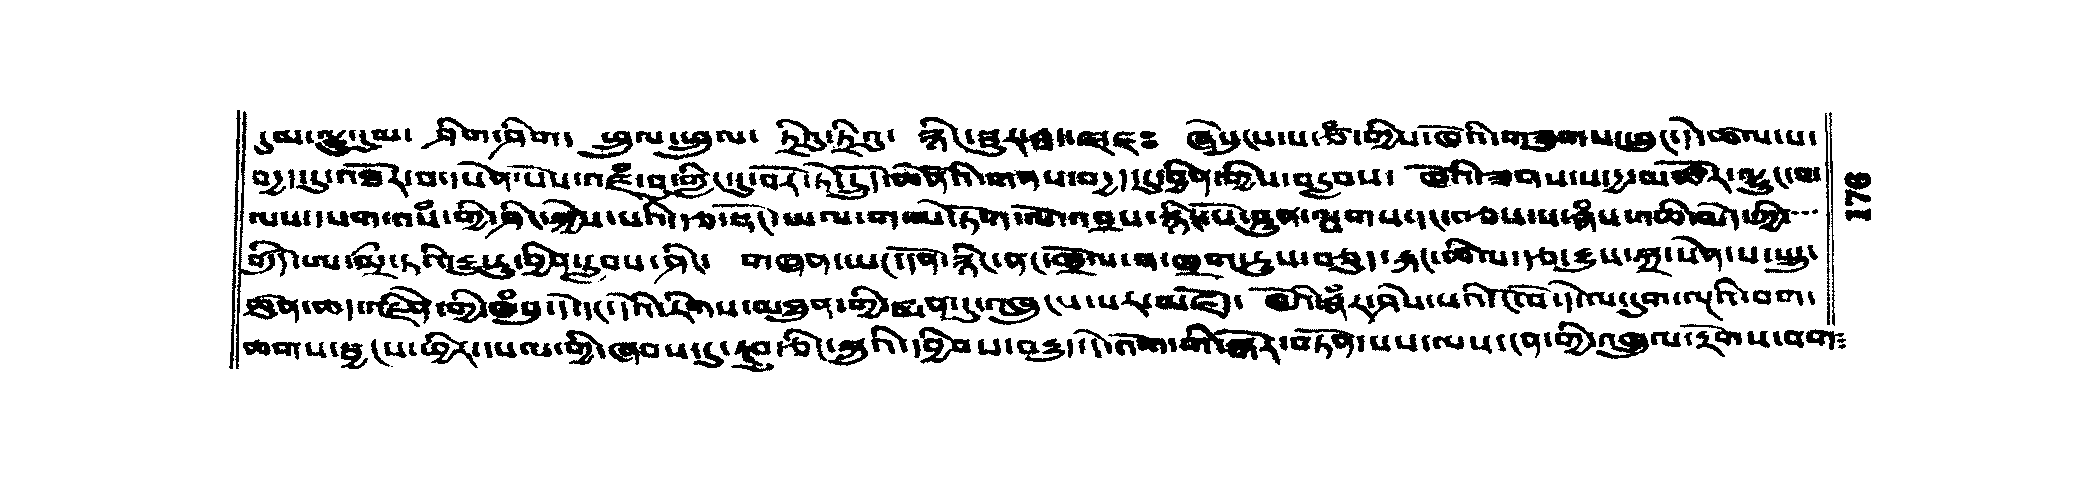དུམ་ལྷུ་དུམ། ཤིག་ཤིག ཕྲུལ་ཕྲུལ། ཏྲེའུ་ཏྲེའུ། སྙིང་སྦུར་རྦད་ཛ་ཛཿ ཞེས་གསུངས་པ་ཙམ་གྱིས་ཁོའི་གཟུགས་ཕུང་དེ་ཚལ་པ་
བརྒྱད་དུ་འཐོར་བ་དཔེན་པོས་འཛམ་བུ་གླིང་དུ་བོར་ཏེ་དུར་ཁྲོད་ཆེན་པོའི་གནས་བརྒྱད་དུ་བྱིན་གྱིས་བརླབས། ཁོའི་གཟག་པ་རྒྱ་མཚོ་ལྷུང་བ་
ལས་པག་བསམ་གྱི་ཤིང་སྐྱེད་པའི་རྩ་སྡོང་ཡལ་ག་མེ་ཏོག་ལོ་འབྲས་སྙིང་པོ་ཤུན་ལྤགས་དང་བཅས་པ་རྣམས་འཆི་མེད་ཀྱི་
བདུད་རྩི་ཨ་མྲྀ་ཏའི་རྒྱུ་རུ་བྱིན་རླབས་ཤིང་། གཞན་ཡང་དོན་སྙིང་ནང་ཁྲོལ་བ་ཁྲག་རུས་བཅུད་རྐང་ཚིལ་རྩ་རྒྱུས་སྐྲ་སེན་པ་སྤུ་
ཚུན་ཆད་འཇིག་རྟེན་གྱི་ཁམས་སུ་དེ་དང་དེའི་རིགས་མཐུན་གྱི་སྨན་དུ་འཁྲུངས་པར་མཛོད། ཁོའི་རྣམ་པར་ཤེས་པའི་ངོ་བོ་དེ་ལ་དུག་ལྔའི་བག་
ཆགས་སྦྱངས་ཕྱིར་དཔལ་གྱི་ཞབས་སུ་རྔུབ་ཅིང་སྐུའི་དབྱིབས་བརྒྱུད་དེ་འོག་གི་སྒོར་བཏོན་པས་ལས་ངན་གྱི་འཁྲུལ་རྟོགས་བག་